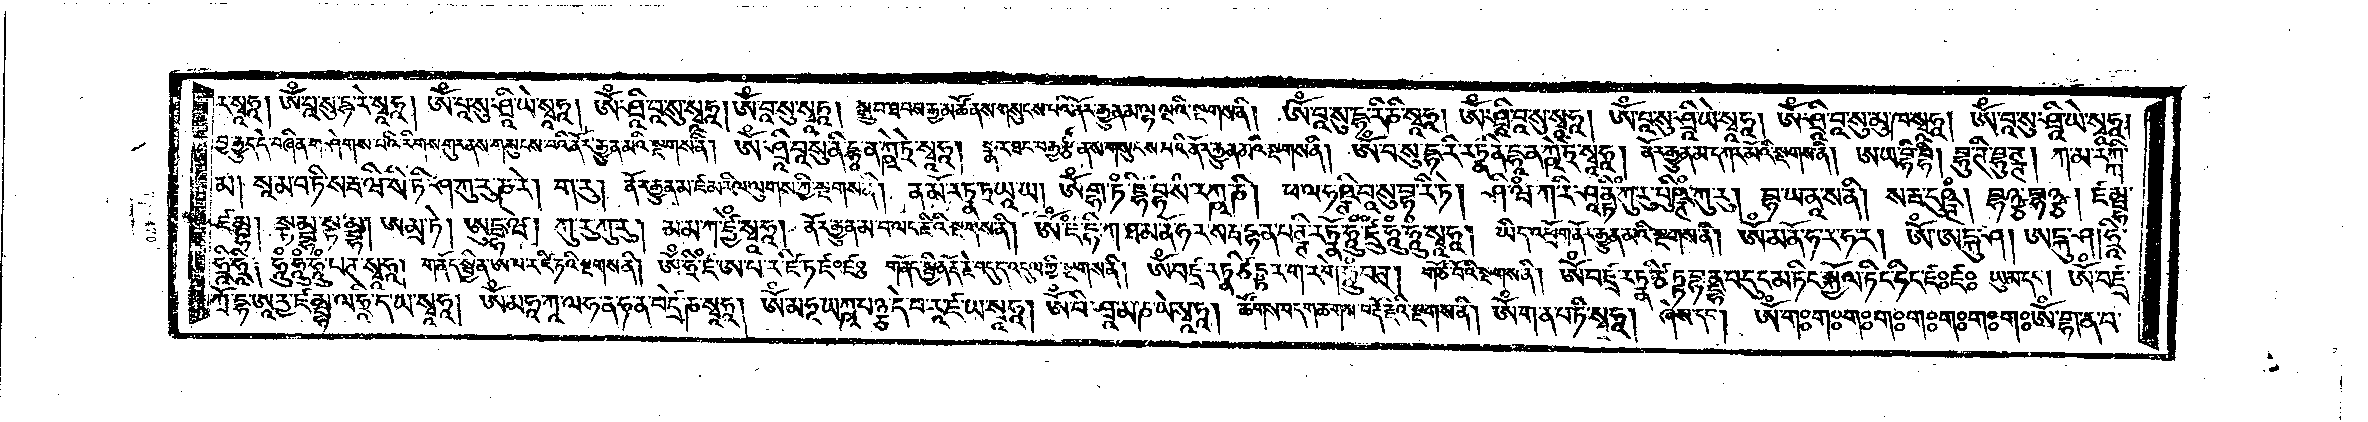ར་སྭཱཧཱ། ཨོཾ་བཱ་སུདྷ་རེ་སྭཱཧཱ། ཨོཾ་བཱ་སུ་ཤྲཱི་ཡེ་སྭཱཧཱ། ཨོཾ་ཤྲཱི་བཱསུ་སྭཱཧཱ། ཨོཾ་བཱ་སུ་སྭཱཧཱ། སྒྲུབ་ཐབས་རྒྱ་མཚོ་ནས་གསུངས་པའི་ནོར་རྒྱུན་ལྷ་ལྔའི་སྔགས་ནི།༠་ཨོཾ་བཱ་སུ་དྷ་རི་ཎི་སྭཱཧཱ། ཨོཾ་ཤྲཱི་བཱ་སུ་སྭཱཧཱ། ཨོཾ་བཱ་སུ་ཤྲཱི་ཡེ་སྭཱཧཱ། ཨོཾ་ཤྲཱི་བཱ་སུ་མུ་ཁ་སྭཱཧཱ། ཨོཾ་བཱ་སུ་ཤྲཱི་ཡེ་སྭཱཧཱ།
བྱ་རྒྱུད་དེ་བཞིན་གཤེགས་པའི་རིགས་གུར་ནས་གསུངས་པའི་ནོར་རྒྱུན་མའི་སྔགས་ནི།  ཨོཾ་ཤྲཱི་བཱ་སུ་ནི་དྷཱ་ན་ཀྵེ་ཏྲེ་སྭཱཧཱ། སྣར་ཐང་བརྒྱ་རྩ་ནས་གསུངས་པའི་ནོར་རྒྱུན་མའི་སྔགས་ནི།  ཨོཾ་བ་སུ་དྷ་རི་རཏྣ་ནི་དྷཱ་ན་ཀྵེ་ཏྲ་སྭཱཧཱ། ནོར་རྒྱུན་མ་དཀར་མོའི་སྔགས་ནི། ཨ་ཡ་བྷི་བྷི། བྷུ་ཊི་བྷུ་ཊྚ། ཀ་མ་རིཀྐི་
མ། སཱ་མ་བ་ཏི་སརྦ་ཝི་སི་ཏི་ཤ་ཀུ་རུ་ཎ་རེ། ག་རུ། ནོར་རྒྱུན་མ་ཛམ་རིལ་ལུགས་ཀྱི་སྔགས་ནི།  ན་མོ་རཏྣ་ཏྲ་ཡཱ་ཡ། ཨོཾ་གྷ་ཏཾ་ཛྷི་བྷ་སཾ་རཀྵ་ཎི། ཕ་ལ་ཧཥྚི་བཱ་སུ་པྟ་རི་ཏེ། ཤི་ཝཾ་ཀ་རི་ཤཱཎྟིཾ་ཀུ་རུ་པཱིཥྚཾ་ཀུ་རུ། བྷ་ཡ་ནཱ་ས་ནི། སརྦ་དུཥྚཾ། བྷ་ཉྩ་བྷ་ཉྩ། ཛམྦྷ་
ཛམྦྷ། སྟམྦྷ་སྟམྦྷ། ཨམྲྀ་ཏེ། ཨུདབྷ་ཝེ། ཀུ་རུ་ཀུ་རུ། མ་མ་ཀ་ཛྱེཾ་སྭཱཧཱ། ནོར་རྒྱུན་མ་བ་ལང་ཟིའི་སྔགས་ནི།  ཨོཾ་ཛཾ་བྷི་ཀ་ཐ་མ་ནོ་ཧ་ར་སརྦ་དྷ་ན་པཊྚི་རཏྣོ་ཧཱུཾ་ཛྲུཾ་ཧཱུཾ་ཧཱུཾ་སྭཱཧཱ། ཡིད་འཕྲོག་ནོར་རྒྱུན་མའི་སྔགས་ནི།  ཨོཾ་མནོ་ཧ་ར་ཧ་ར། ཨོཾ་ཨངྐུ་ཤ། ཨངྐུ་ཤ། དྷྲཱི་
ཏྲཱི་ཏྲཱི༑ ཧཱུཾ་ཧཱུཾ་ཧཱུཾ་ཕཊ་སྭཱཧཱ། གནོད་སྦྱིན་ཨ་པ་ར་ཛི་ཏའི་སྔགས་ནི་ཨོཾ་ཧྲིཾ་ཛ་ཨ་པ་ར་ཛི་ཏ་ཛཿཛཿ གནོད་སྦྱིན་རྡོ་རྗེ་བདུད་འདུལ་གྱི་སྔགས་ནི།༠་ཨོཾ་བཛྲ་རཏྣ་ཙིཏྟ་ར་ག་རགེ་ཧཱུཾ་ཕཊ། གཙོ་བོའི་སྔགས་ནི།  ཨོཾ་བཛྲ་རཏྣ་ཙིཏྟ་བྷ་ནྡྷ་བདུད་མ་ཏིང་སྐྱོལ་ཏིང་ཏིང་ཛཿཛཿ ཡུམ་དང་།  ཨོཾ་བཛྲ་
ཀྲོ་དྷ་ཨཱརྱ་ཛམྦྷ་ལ་ཧྲཱི་ད་ཡ་སྭཱཧཱ། ཨོཾ་མཧཱ་ཀཱ་ལ་ཧ་ན་ཧ་ན་བཛྲེ་ཎ་སྭཱཧཱ། ཨོཾ་མཧཱ་ཡཀྵ་པཉྩ་དེ་བ་རཱ་ཛ་ཡ་སྭཱཧཱ། ཨོཾ་བཻ་ཤྲ་མ་ཎ་ཡེ་སྭཱཧཱ། ཚོགས་བདག་ཆགས་པ་རྡོ་རྗེའི་སྔགས་ནི།  ཨོཾ་ག་ན་པ་ཏི་སྭཱཧཱ། ཞེས་དང་།  ཨོཾ་གཿགཿགཿགཿགཿགཿགཿགཿཨོཾ་ལྷ་ན་པ་